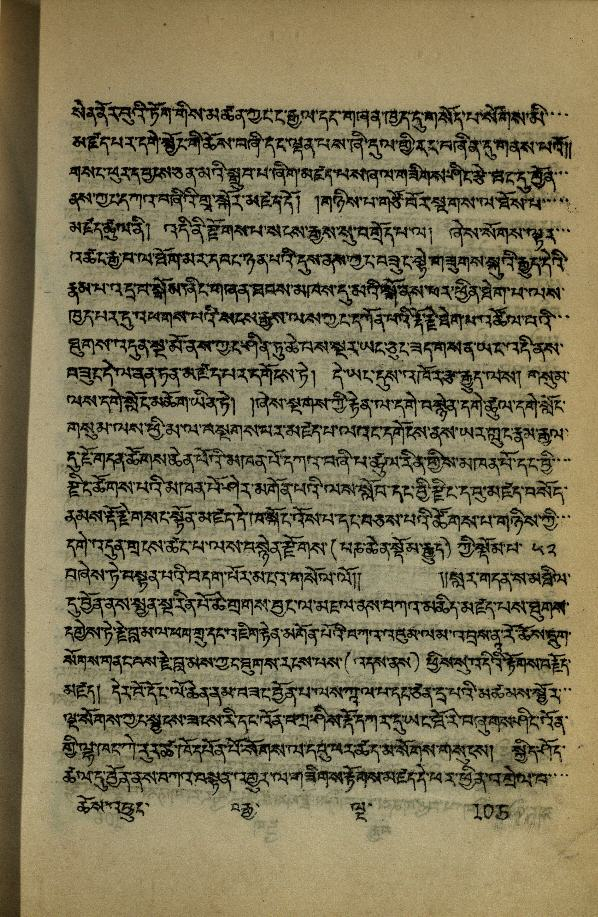སེན་ནོར་བུའི་ཏོག་གིས་མཚན་ཀྱང་ང་རྒྱལ་དང་གཞན་ཁྱད་དུ་གསོད་པ་སོགས་མི་
མཛད་པར་དགེ་སྦྱོང་གི་ཆོས་བཞི་དང་ལྡན་པས་ཞི་དུལ་གྱི་རང་བཞིན་དུ་གནས་པའོ།།
གསང་ཕུར་དབྱངས་ཅན་མའི་སྒྲུབ་པ་ཞིག་མཛད་པས་ཞལ་གཟིགས་ཤིང་རྩེ་ཐང་དུ་བྱོན་
ནས་ཀྱང་དཀའ་བཞིའི་གྲྭ་སྐོར་མཛད་དོ། །གཉིས་པ་གཙོ་བོར་སྔགས་ལ་ཐོས་པ་
མཛད་ཚུལ་ནི། འདི་ནི་རྫོགས་པ་སངས་རྒྱས་སུ་བགྲོད་པ་ལ། ཞེས་སོགས་ལྟར་
འཚང་རྒྱ་བ་ལ་ཐོག་མར་དབང་ཉན་པའི་དུས་ནས་ཀྱང་བཟུང་སྟེ་གཟུགས་སྐུའི་རྒྱུད་དེའི་
རྣམ་པ་འདྲ་བ་སྒོམ་ཞིང་གཞན་ཐབས་མཁས་དུ་མའི་སྒོ་ནས་ཕར་ཕྱིན་ཐེག་པ་ལས་
ཁྱད་པར་དུ་འཕགས་པའི་སངས་རྒྱས་ལས་ཀྱང་དཀོན་པའི་རྡོ་རྗེ་ཐེག་པ་འཚོལ་བའི་
ཐུགས་འདུན་སྔ་མོ་ནས་ཀྱང་ཤིན་ཏུ་ཆེ་བས་སྔར་ཡང་ཅུང་ཟད་གསན་ཡང་འདི་ནས་
བཟུང་དེ་ལ་ནན་ཏན་མཛད་པར་དགོངས་ཏེ། དེ་ཡང་དུས་འཁོར་རྩ་རྒྱུད་ལས། གསུམ་
ལས་དགེ་སློང་མཆོག་ཡིན་ཏེ། །ཞེས་སྔགས་ཀྱི་རྟེན་ལ་དགེ་བསྙེན་དགེ་ཚུལ་དགེ་སློང་
གསུམ་ལས་ཕྱི་མ་ལ་བསྔགས་པར་མཛད་པ་ལའང་དགོངས་ནས་ཡར་ཀླུང་རྣམ་རྒྱལ་
དུ་ཇོ་གདན་ཚོགས་ཆེན་པོའི་མཁན་པོ་དཀའ་བཞི་པ་ཚུལ་རིན་གྱིས་མཁན་པོ་དང་བྱི་
རྫིང་ཚོགས་པའི་མཁན་པོ་ཤེར་མགོན་པའི་ལས་སློབ་དང་བྱི་རྫིང་དབུ་མཛད་བསོད་
ནམས་རྡོ་རྗེ་གསང་སྟོན་མཛད་དེ་ཁ་སྐོང་འོས་པ་དང་བཅས་པའི་ཚོགས་པ་གཉིས་ཀྱི་
དགེ་འདུན་གྲངས་ཚང་པ་ལས་བསྙེན་རྫོགས་པཎ་ཆེན་སྡོམ་རྒྱུད་ཀྱི་སྡོམ་པ ༥༢
བཞེས་ཏེ་བསྟན་པའི་བདག་པོར་མངའ་གསོལ་ལོ།། །།སླར་གདན་ས་མཐིལ་
དུ་བྱོན་ནས་སྤྱན་སྔ་རིན་པོ་ཆེ་གྲགས་བྱང་ལ་མཇལ་ནས་བཀའ་མཆིད་མཛད་པས་ཐུགས་
དགྱེས་ཏེ་རྗེ་བླ་མ་ལ་ཕག་གྲུ་དང་འཇིག་རྟེན་མགོན་པོའི་བཀའ་འབུམ་ལམ་འབྲས་ནཱ་རོ་ཆོས་དྲུག་
སོགས་གནང་བས་རྗེ་བླ་མས་ཀྱང་ཐུགས་རངས་པས་འདས་ནས་ཕྱིས་སུ་འདིའི་རྟོགས་བརྗོད་
མཛད། དེར་བོ་དོང་ལོ་ཆེན་ནམ་བཟང་བྱོན་པ་ལས་ཀཱ་ལ་པ་དང་ཙན་དྲ་པའི་མཚམས་སྦྱོར་
ལྔ་སོགས་ཀྱང་སྦྱངས་ཟངས་རི་དང་འོན་བཀྲ་ཤིས་རྡོ་དཀར་དུ་ཡང་ཐོ་རེ་བཞུགས་ཤིང་འོ་ན་
གྱི་ལྷ་ཁང་གེ་རུར་ཚ་ཁོ་དཔོན་པོ་སོགས་ལ་དབུ་ཕར་ཚད་མ་སོགས་གསུངས། སྐྱིད་ཤོད་
ཚལ་དུ་བྱོན་ནས་བཀའ་བསྟན་འགྱུར་ལ་གཟིགས་རྟོགས་མཛད་དེ་ཕར་ཕྱིན་འགྲེལ་བ་